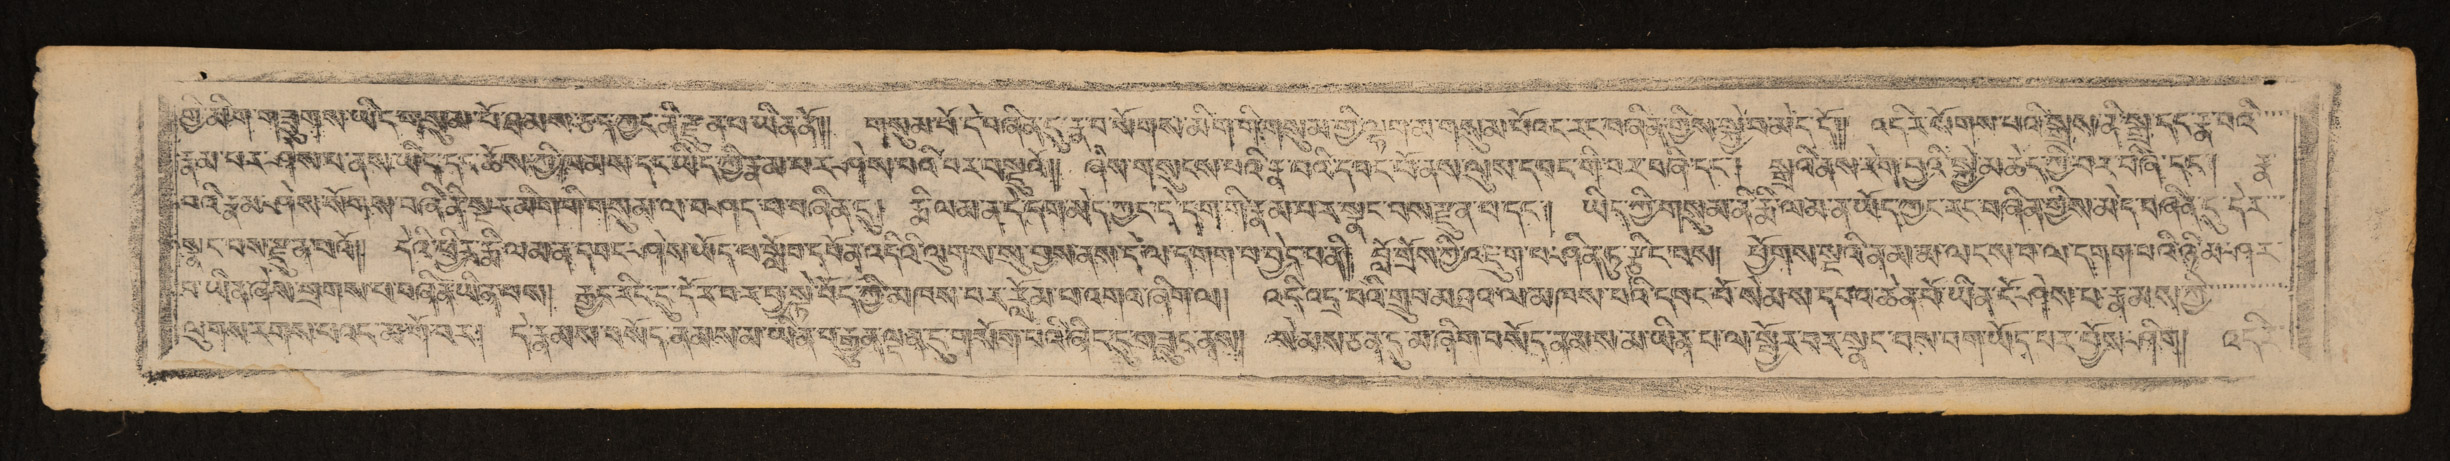གྱི་མིག་གཟུགས་ཡིད་གསུམ་པོ་ཐམས་ཅད་ཀྱང་ནི་རྫུན་པ་ཡིན་ནོ།། གསུམ་པོ་དེ་བཞིན་དུ་རྣ་བ་སོགས་མིག་གི་གསུམ་གྱི་ལྷག་མ་གསུམ་པོའང་རང་བཞིན་གྱིས་སྐྱེ་བ་མེད་དོ།། འདིར་སོགས་པའི་སྒྲས་ནི་སྒྲ་དང་རྣ་བའི་
རྣམ་པར་ཤེས་པ་ནས་ཡིད་དང་ཆོས་ཀྱི་ཁམས་དང་ཡིད་ཀྱི་རྣམ་པར་ཤེས་པའི་བར་བསྡུའོ།། ཞེས་གསུངས་པའི་རྣ་བའི་དབང་པོ་ནས་ལུས་དབང་གི་བར་བཞི་དང་། སྒྲའི་ནས་རེག་བྱའི་སྐྱེ་མཆེད་ཀྱི་བར་བཞི་དང་། རྣ་
བའི་རྣམ་ཤེས་སོགས་བཞི་ནི་སྔར་མིག་གི་གསུམ་ལ་བཤད་པ་བཞིན་དུ། རྨི་ལམ་ན་དེ་དག་མེད་ཀྱང་དེ་དག་གི་རྣམ་པར་སྣང་བས་རྫུན་པ་དང་། ཡིད་ཀྱི་གསུམ་ནི་རྨི་ལམ་ན་ཡོད་ཀྱང་རང་བཞིན་གྱིས་མེད་བཞིན་དུ་དེར་
སྣང་བས་རྫུན་པའོ།། དེའི་ཕྱིར་རྨི་ལམ་ན་དབང་ཤེས་ཡོད་པ་སློབ་དཔོན་འདིའི་ལུགས་སུ་བྱས་ནས་དེ་ལ་དགག་པ་བྱེད་པ་ནི། བློ་གྲོས་ཀྱི་འཇུག་པ་ཤིན་ཏུ་རྩིང་བས། ཕྱོགས་སྔའི་ནམ་མ་ལངས་པ་ལ་དགག་པའི་ཉི་མ་ཤར་
བ་ཡིན་ཞེས་གྲགས་པ་བཞིན་ཡིན་པས། རྒྱང་རིང་དུ་དོར་བར་བྱ་སྟེ་བོད་ཀྱི་མཁས་པར་རློམ་པ་འགའ་ཞིག་ལ། འདི་འདྲ་བའི་གྲུབ་མཐའ་ལ་མཁས་པའི་དབང་པོ་སེམས་དཔའ་ཆེན་པོ་ཡིན་ངོ་ཤེས་པ་རྣམས་ཀྱི་
ལུགས་རགས་པའང་མ་གོ་བར། དེ་རྣམས་བསོད་ནམས་མ་ཡིན་པ་རྒྱུན་ལྡན་དུ་གསོག་པའི་ཞིང་དུ་གཟུང་ནས། སེམས་ཅན་དུ་མ་ཞིག་བསོད་ནམས་མ་ཡིན་པ་ལ་སྦྱོར་བར་སྣང་བས་བག་ཡོད་པར་བྱོས་ཤིག། འདིར་